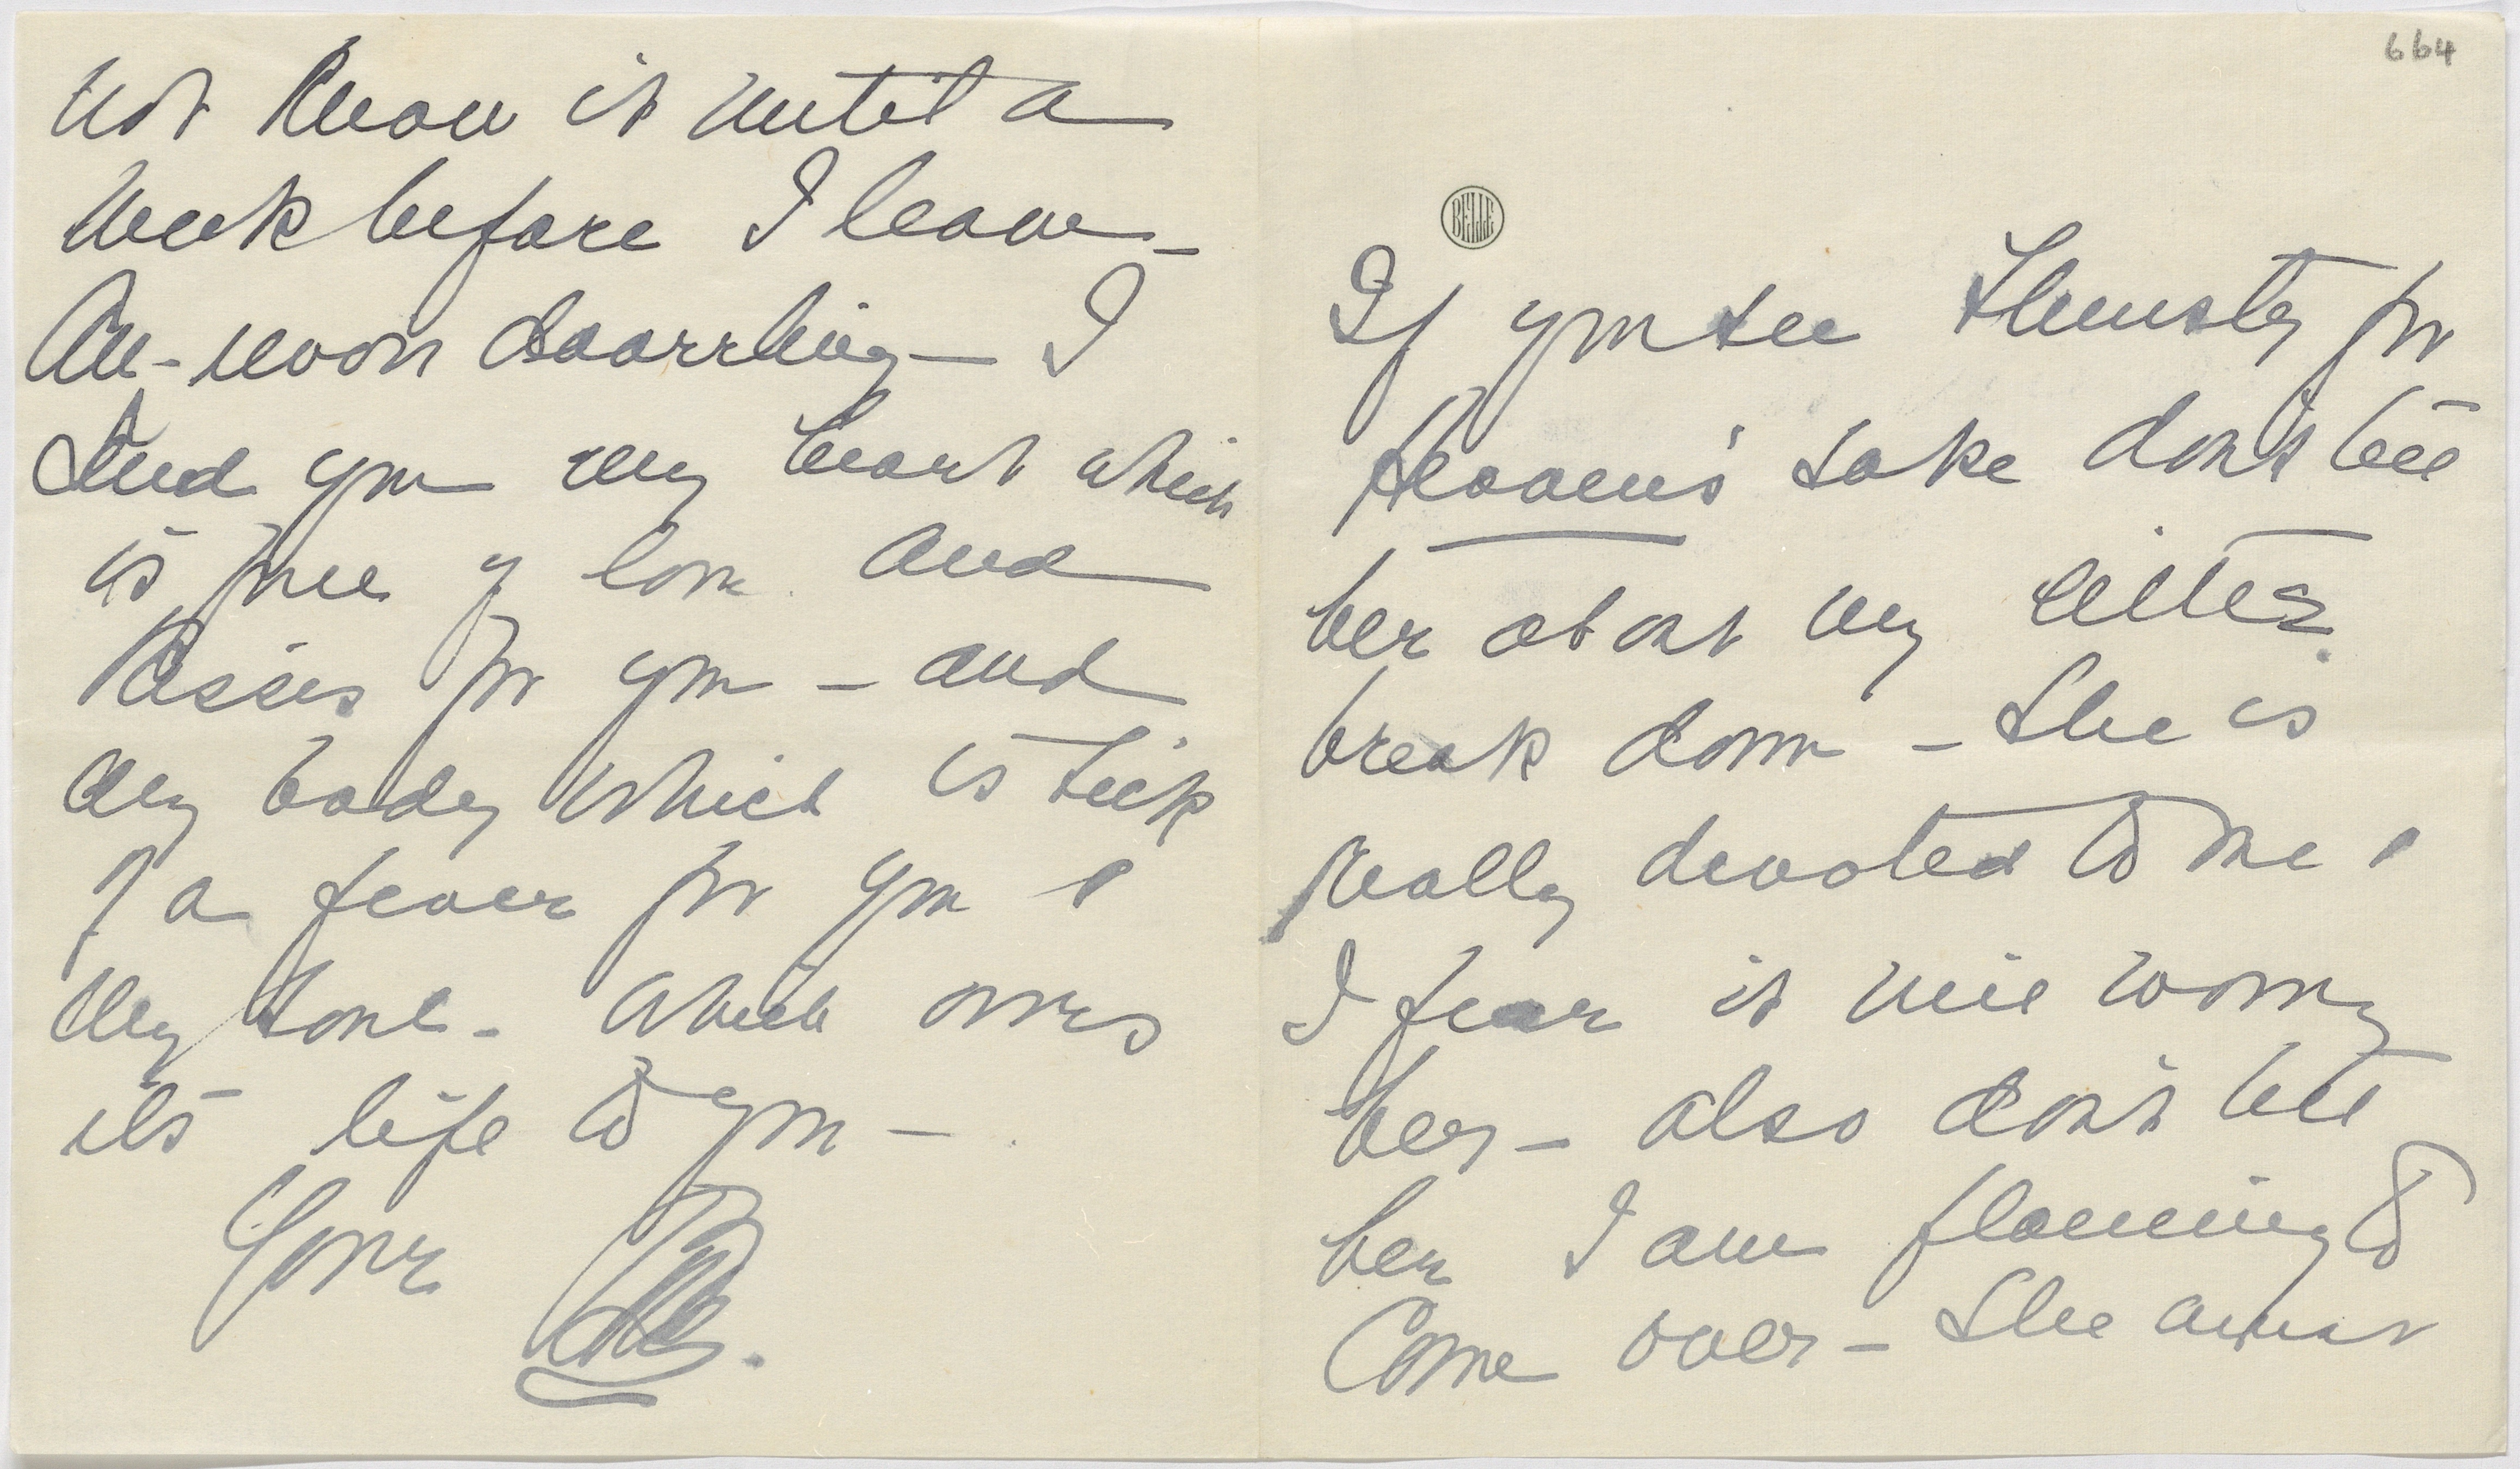If you see Thursty for Heaven’s sake don’t tell her about my little break down – She is really devoted to me & I fear it will worry her – also don’t tell her I am planning to come over – she must
not know it until a week before I leave – Au-revoir daarrling – I send you my heart which is full of love and kisses for you – and my body which is sick of a fever for you & my soul – which owes its life to you –
Your [double underlined: Belle].